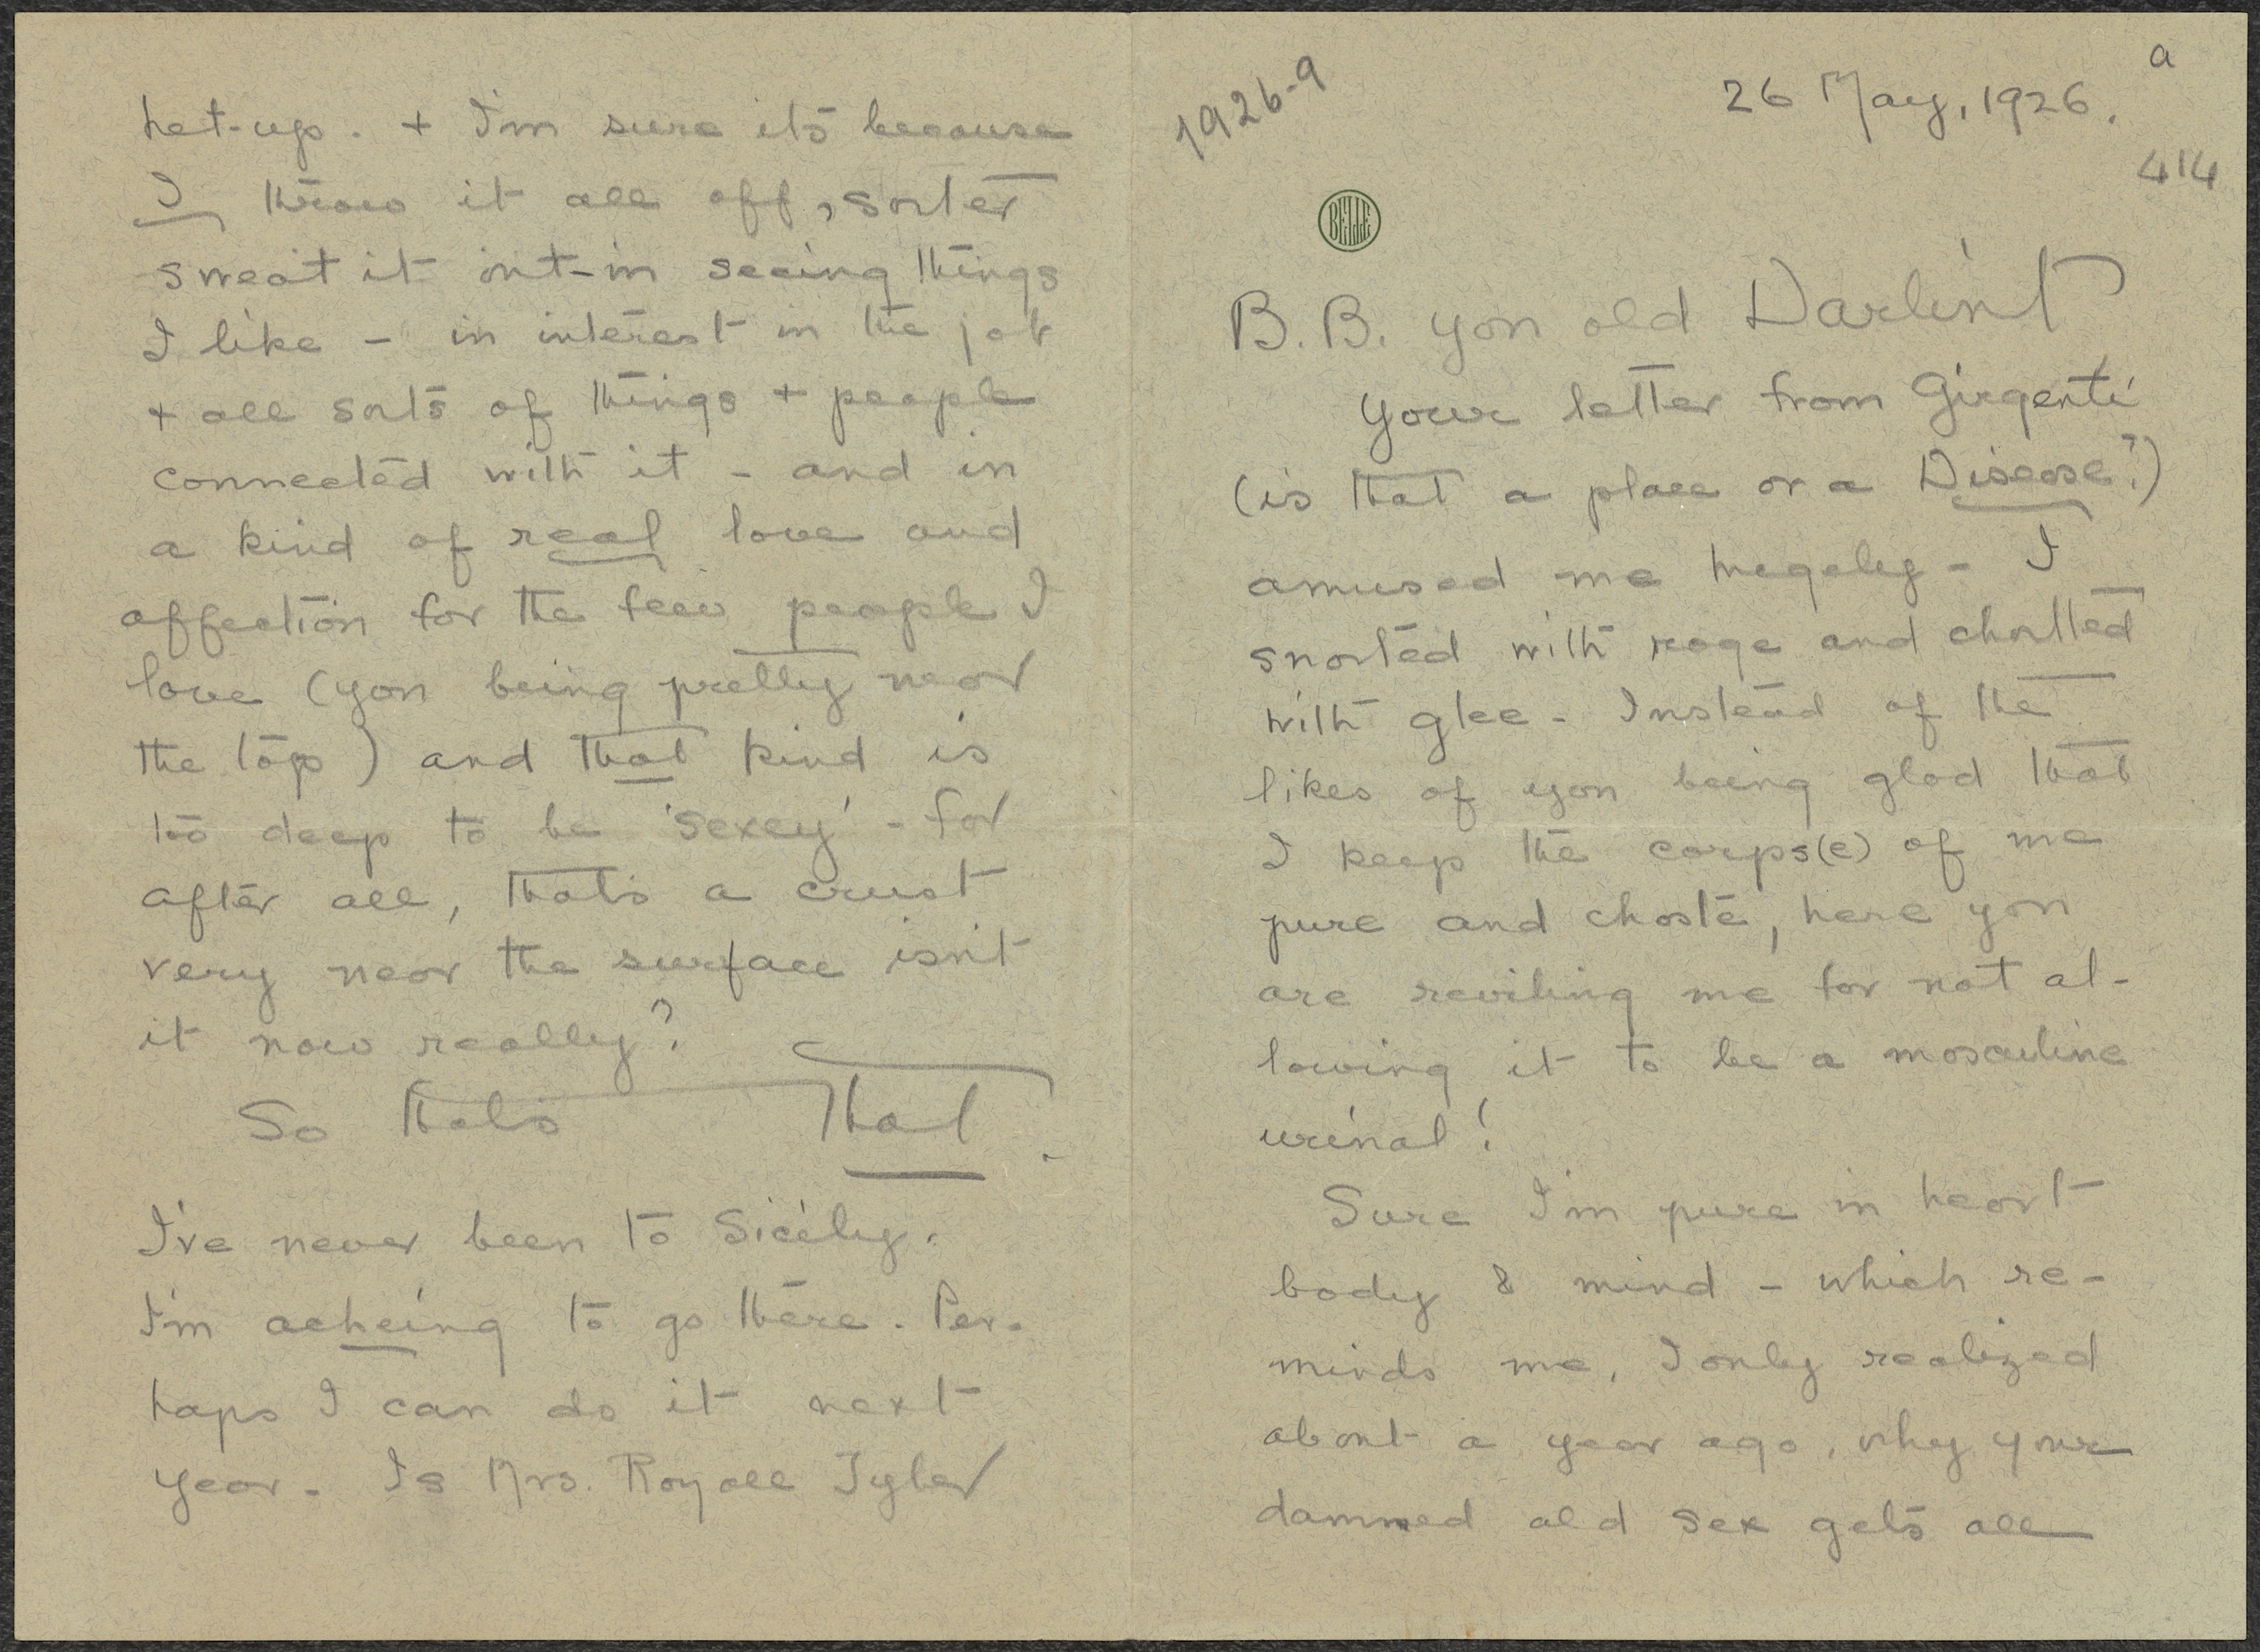26 May, 1926.
B.B. you old Darlint
Your letter from Girgenti (is that a place or a Disease?) amused me hugely – I snorted with rage and chortled with glee – Instead of the likes of you being glad that I keep the corps(e) of me pure and chaste, here you are reviling me for not allowing it to be a masculine urinal!
Sure I’m pure in heart body & mind – which reminds me, I only realized about a year ago, why your damned old sex gets all
het-up. & I’m sure its because I throw it all off, sorter sweat it out – in seeing things I like – in interest in the job & all sorts of things & people connected with it – and in a kind of real love and affection for the few people I love (you being pretty near the top) and that kind is too deep to be ‘sexey’ – for after all, that’s a crust very near the surface isn’t it now really?
So that’s that.
I’ve never been to Sicily. I’m acheing [sic] to go there. Perhaps I can do it next year. Is Mrs. Royall Tyler